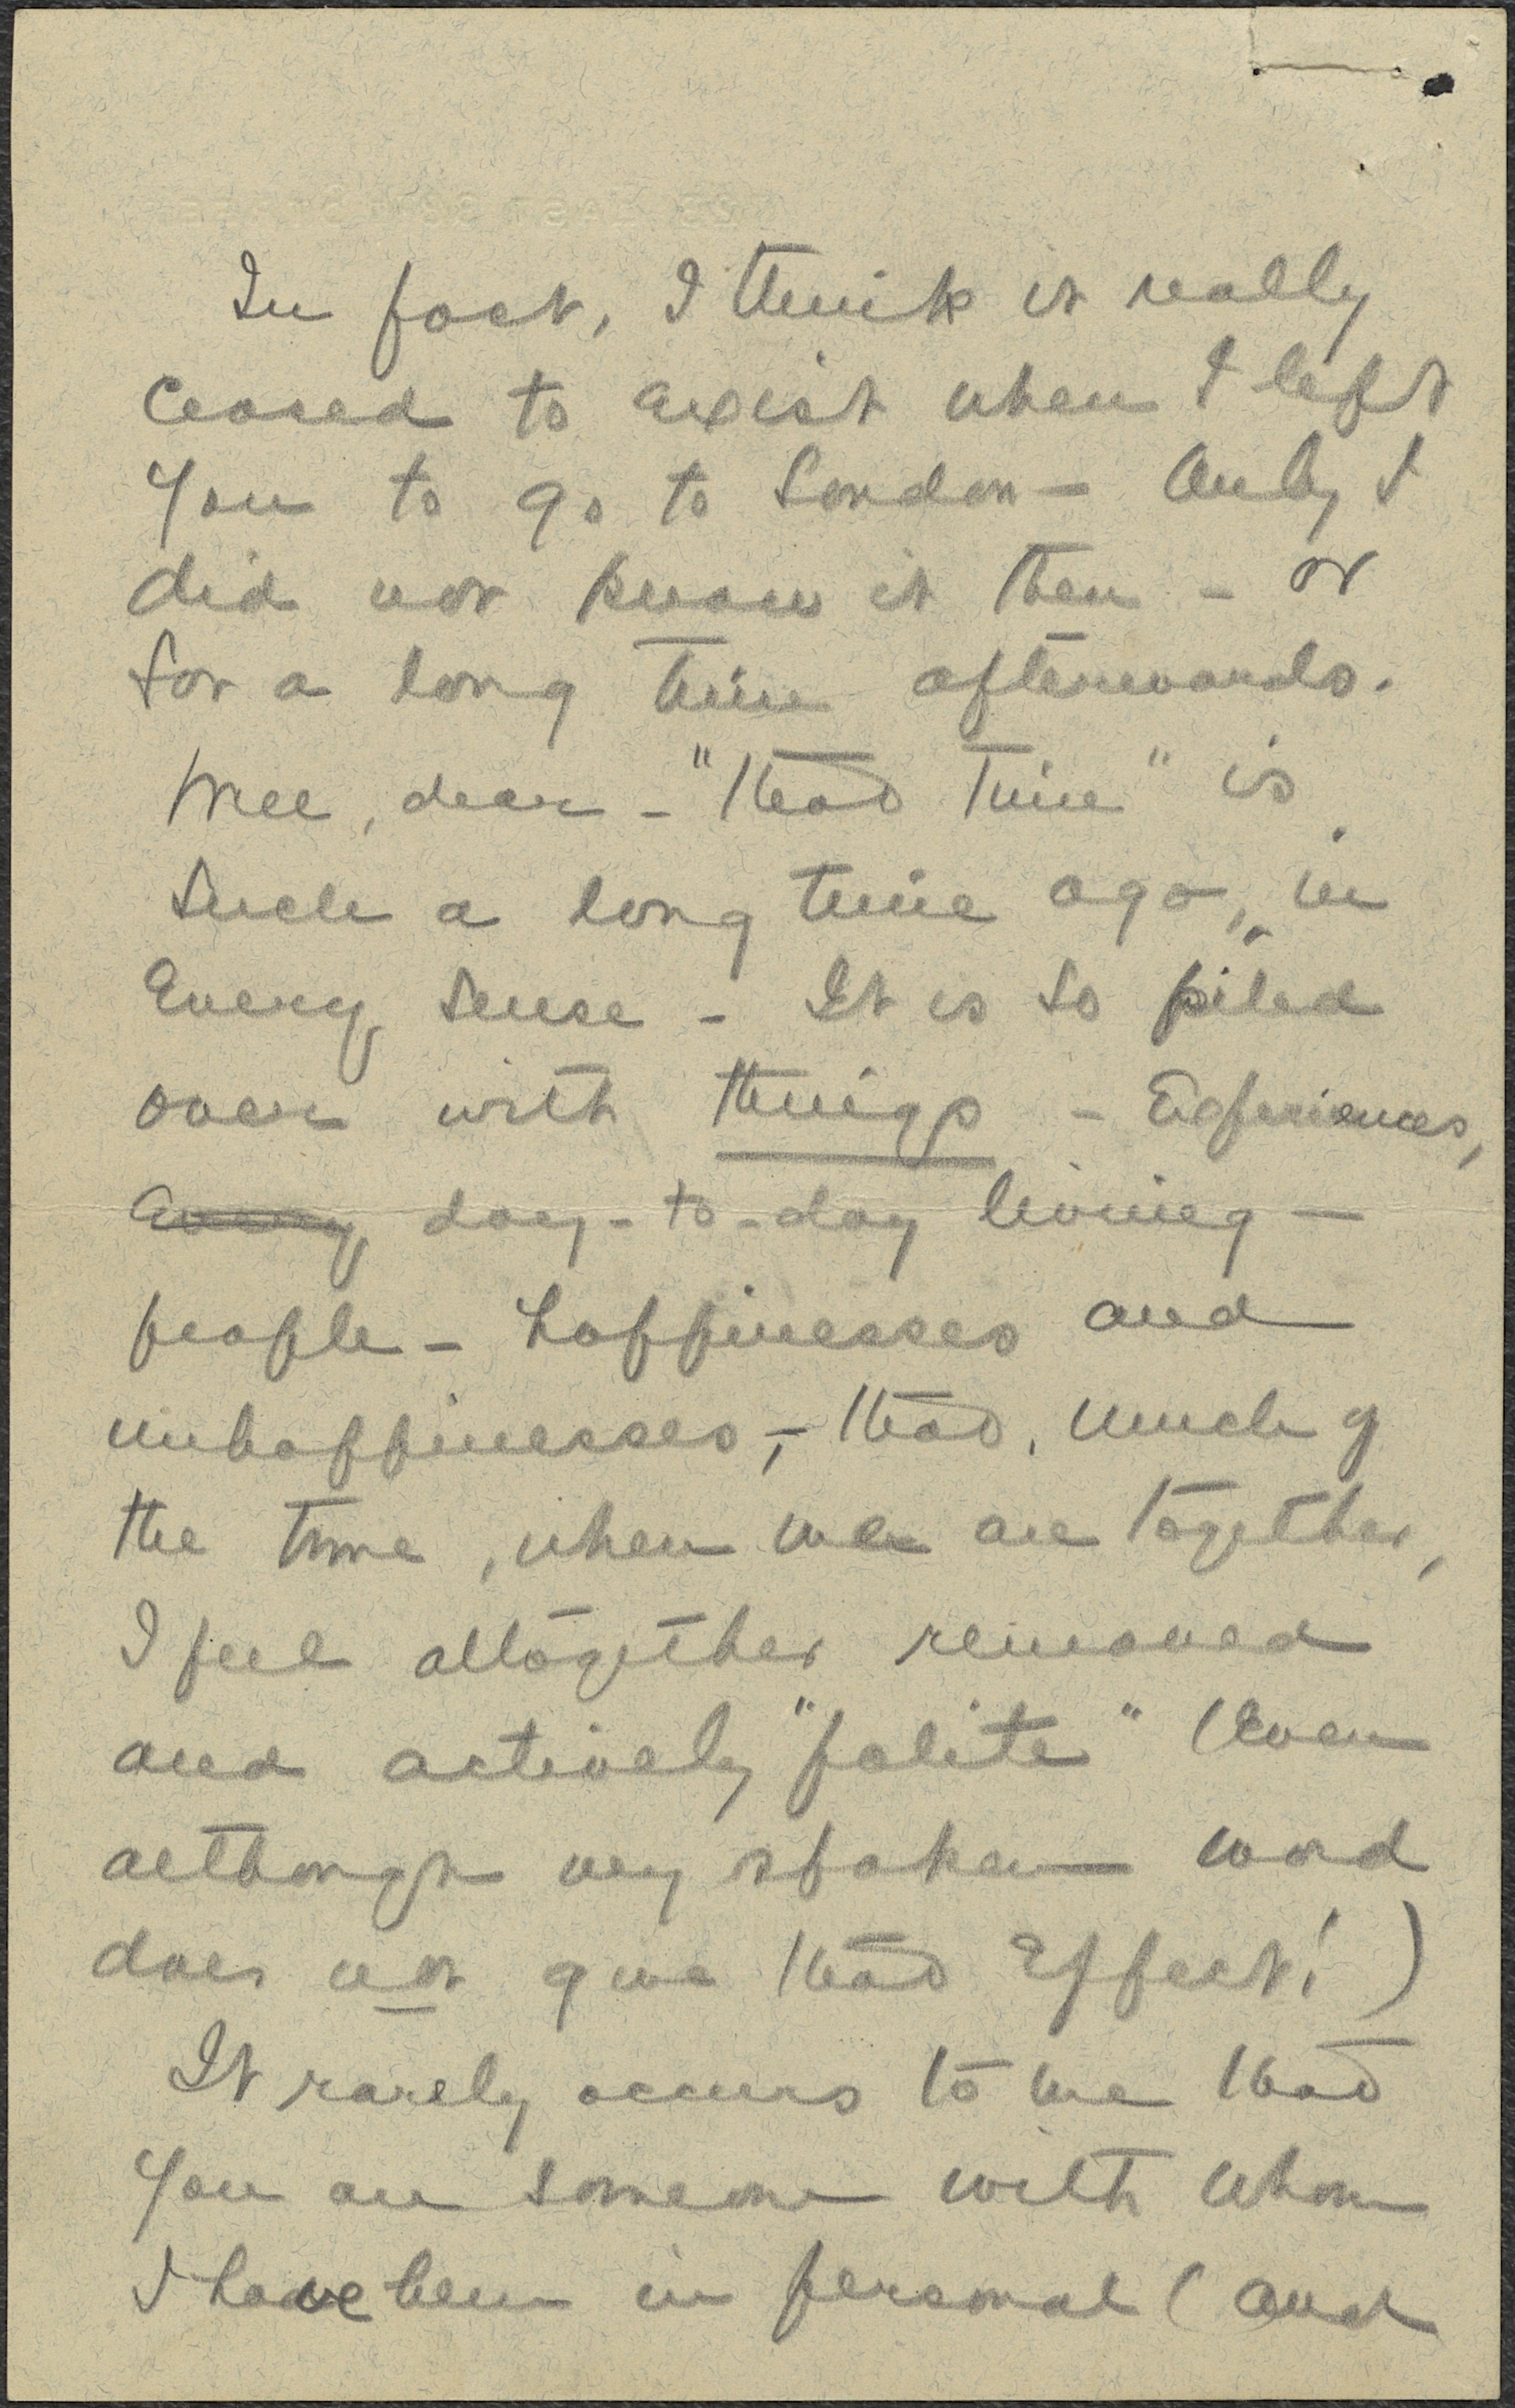In fact, I think it really ceased to exist when I left you to go to London – Only I did not know it then – or for a long time afterwards.
Well, dear – "that time" is such a long time ago, in every sense – It is so piled over with things – Experiences, every day-to-day living – people – happinesses and unhappinesses, – that, much of the time, when we are together, I feel altogether removed and actively "polite" (even although my spoken word does not give that effect!)
It rarely occurs to me that you are someone with whom I have been in personal (and